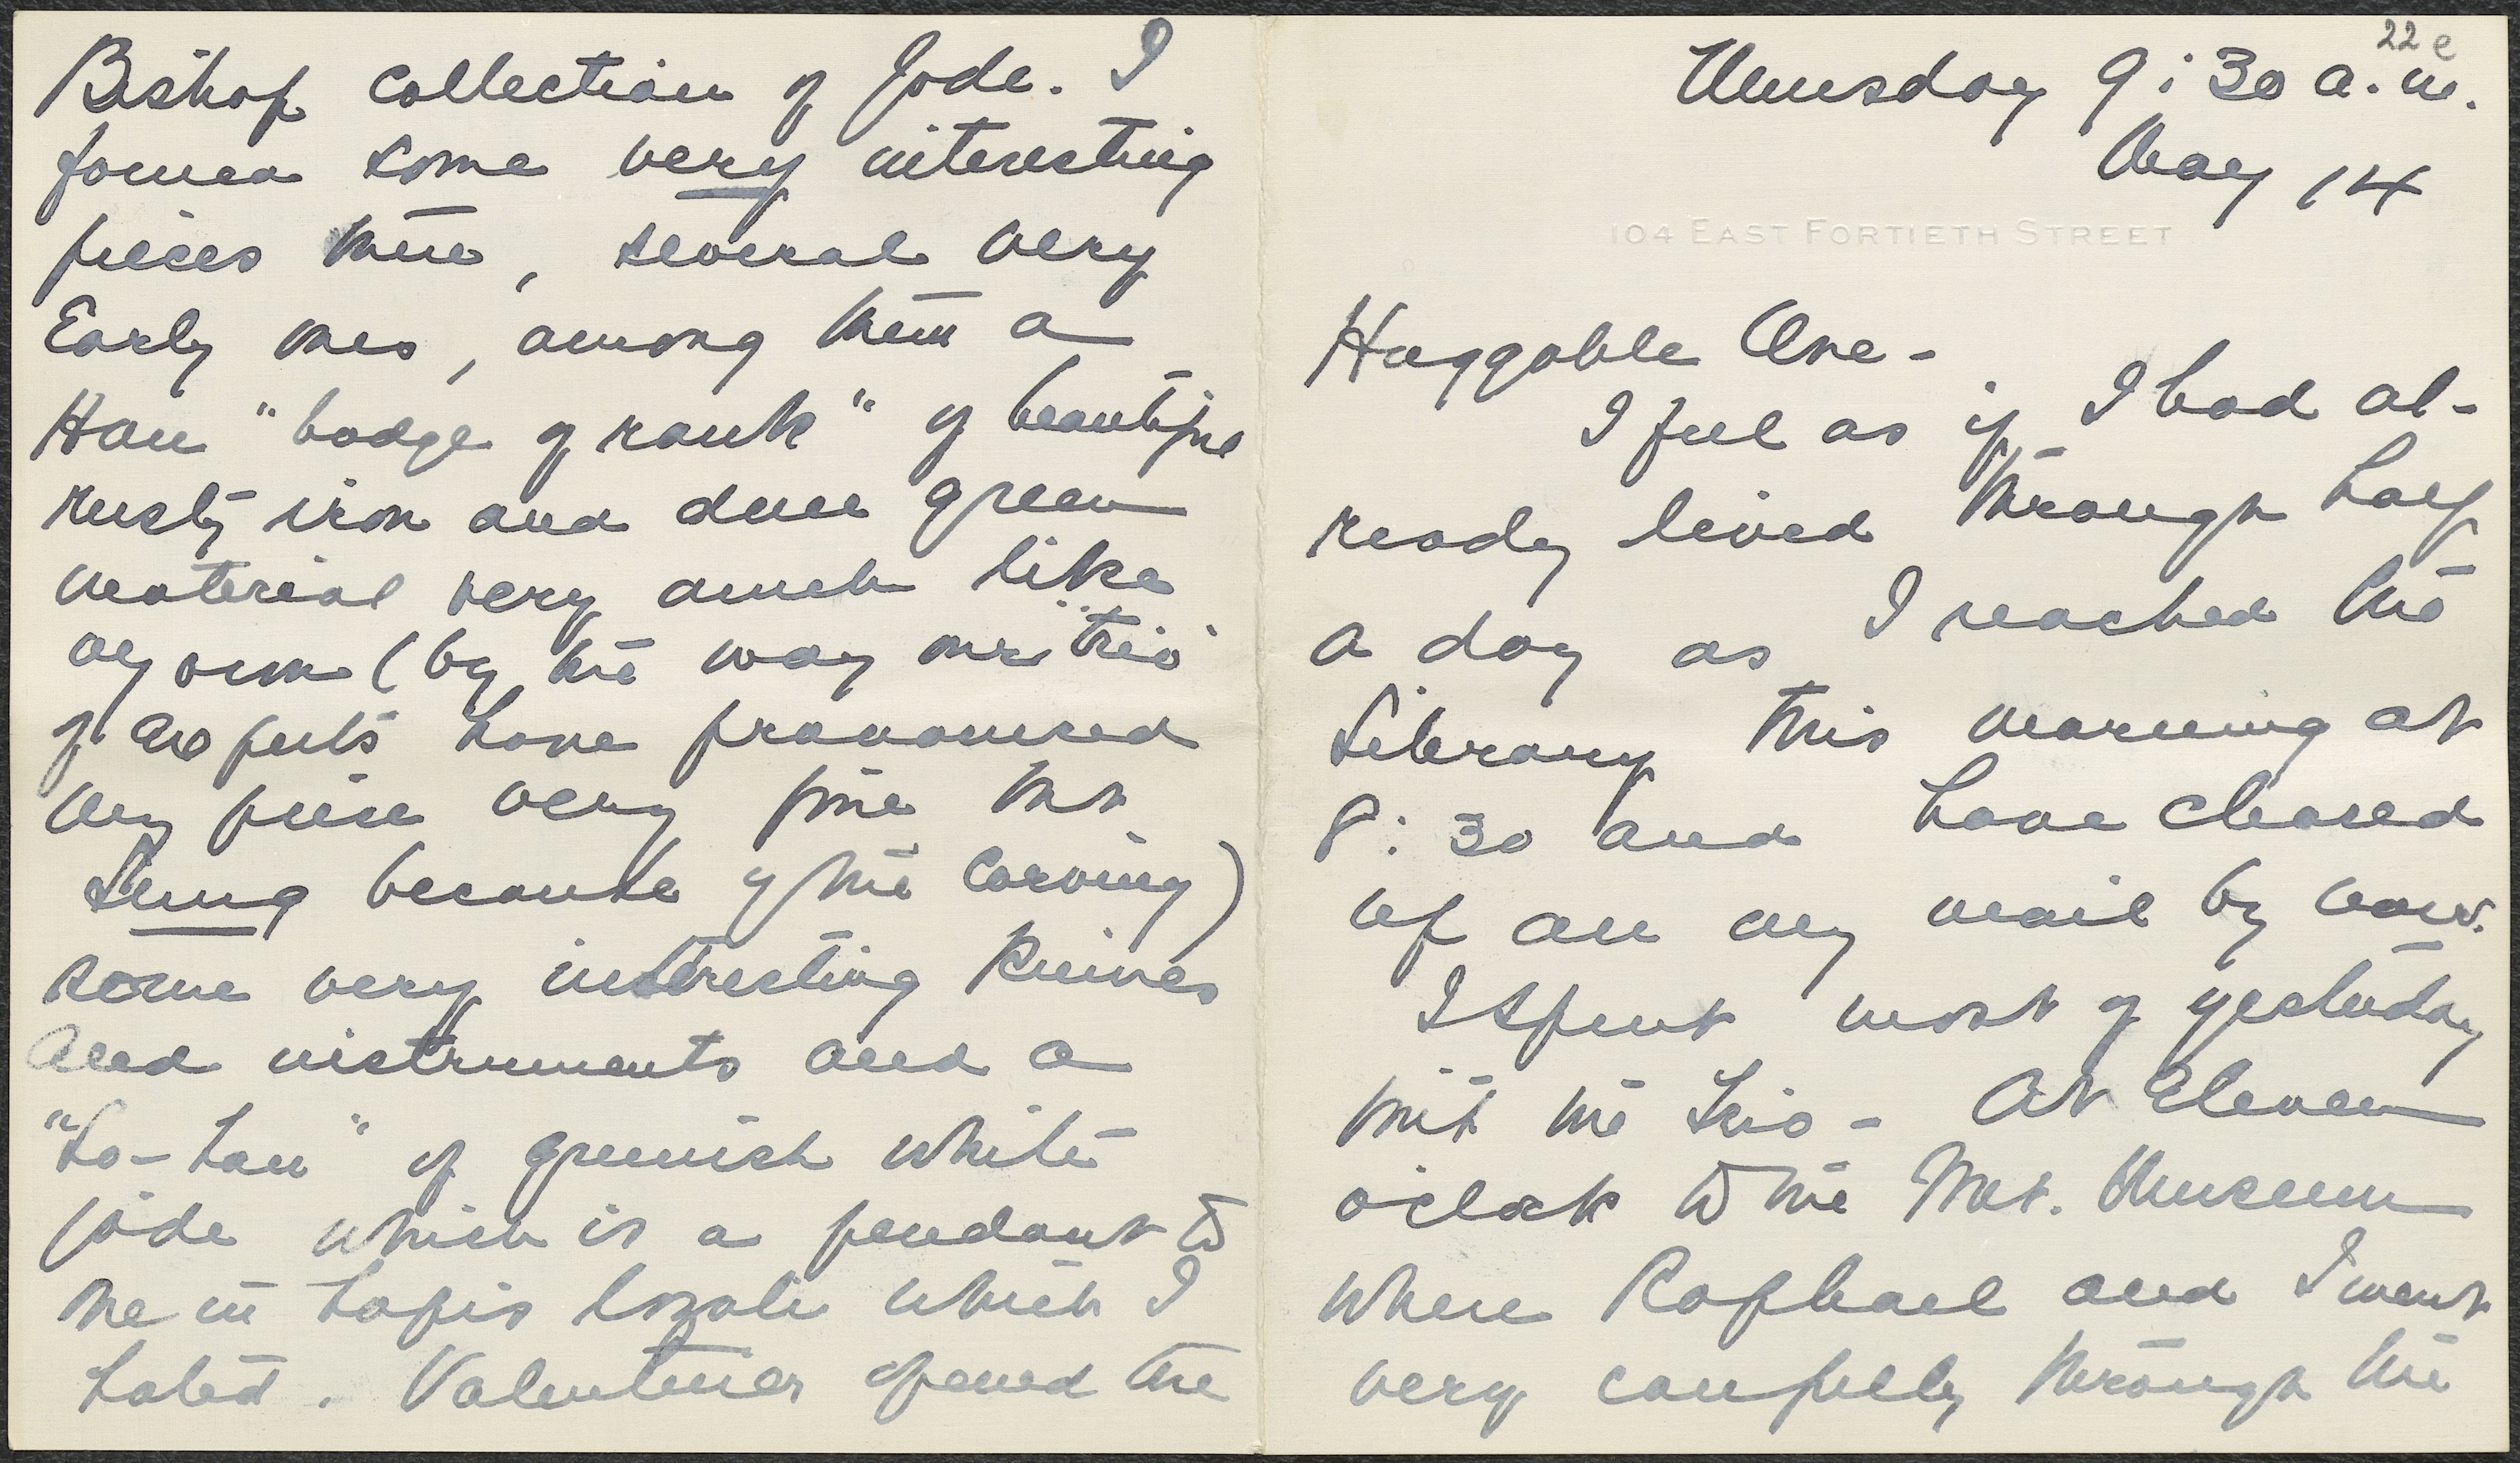Thursday 9:30 a.m.
May 14
Huggable One –
I feel as if I had already lived through half a day as I reached the Library this morning at 8:30 and have cleared up all my mail by now.
I spent most of yesterday with the Trio – At Eleven o'clock to the Met. Museum where Raphael and I went carefully through the
Bishop collection of Jade. I found some very interesting pieces there, several very early ones, among them a Han "badge of rank" of beautiful rusty iron and dull green material very much like my own (by the way our "trio" of experts have pronounced my piece very fine but Sung because of the carving) some very interesting knives and instruments and a "Lo-han" of greenish white jade which is a pendant to one in Lapis lazuli which I hated. Valentiner opened the